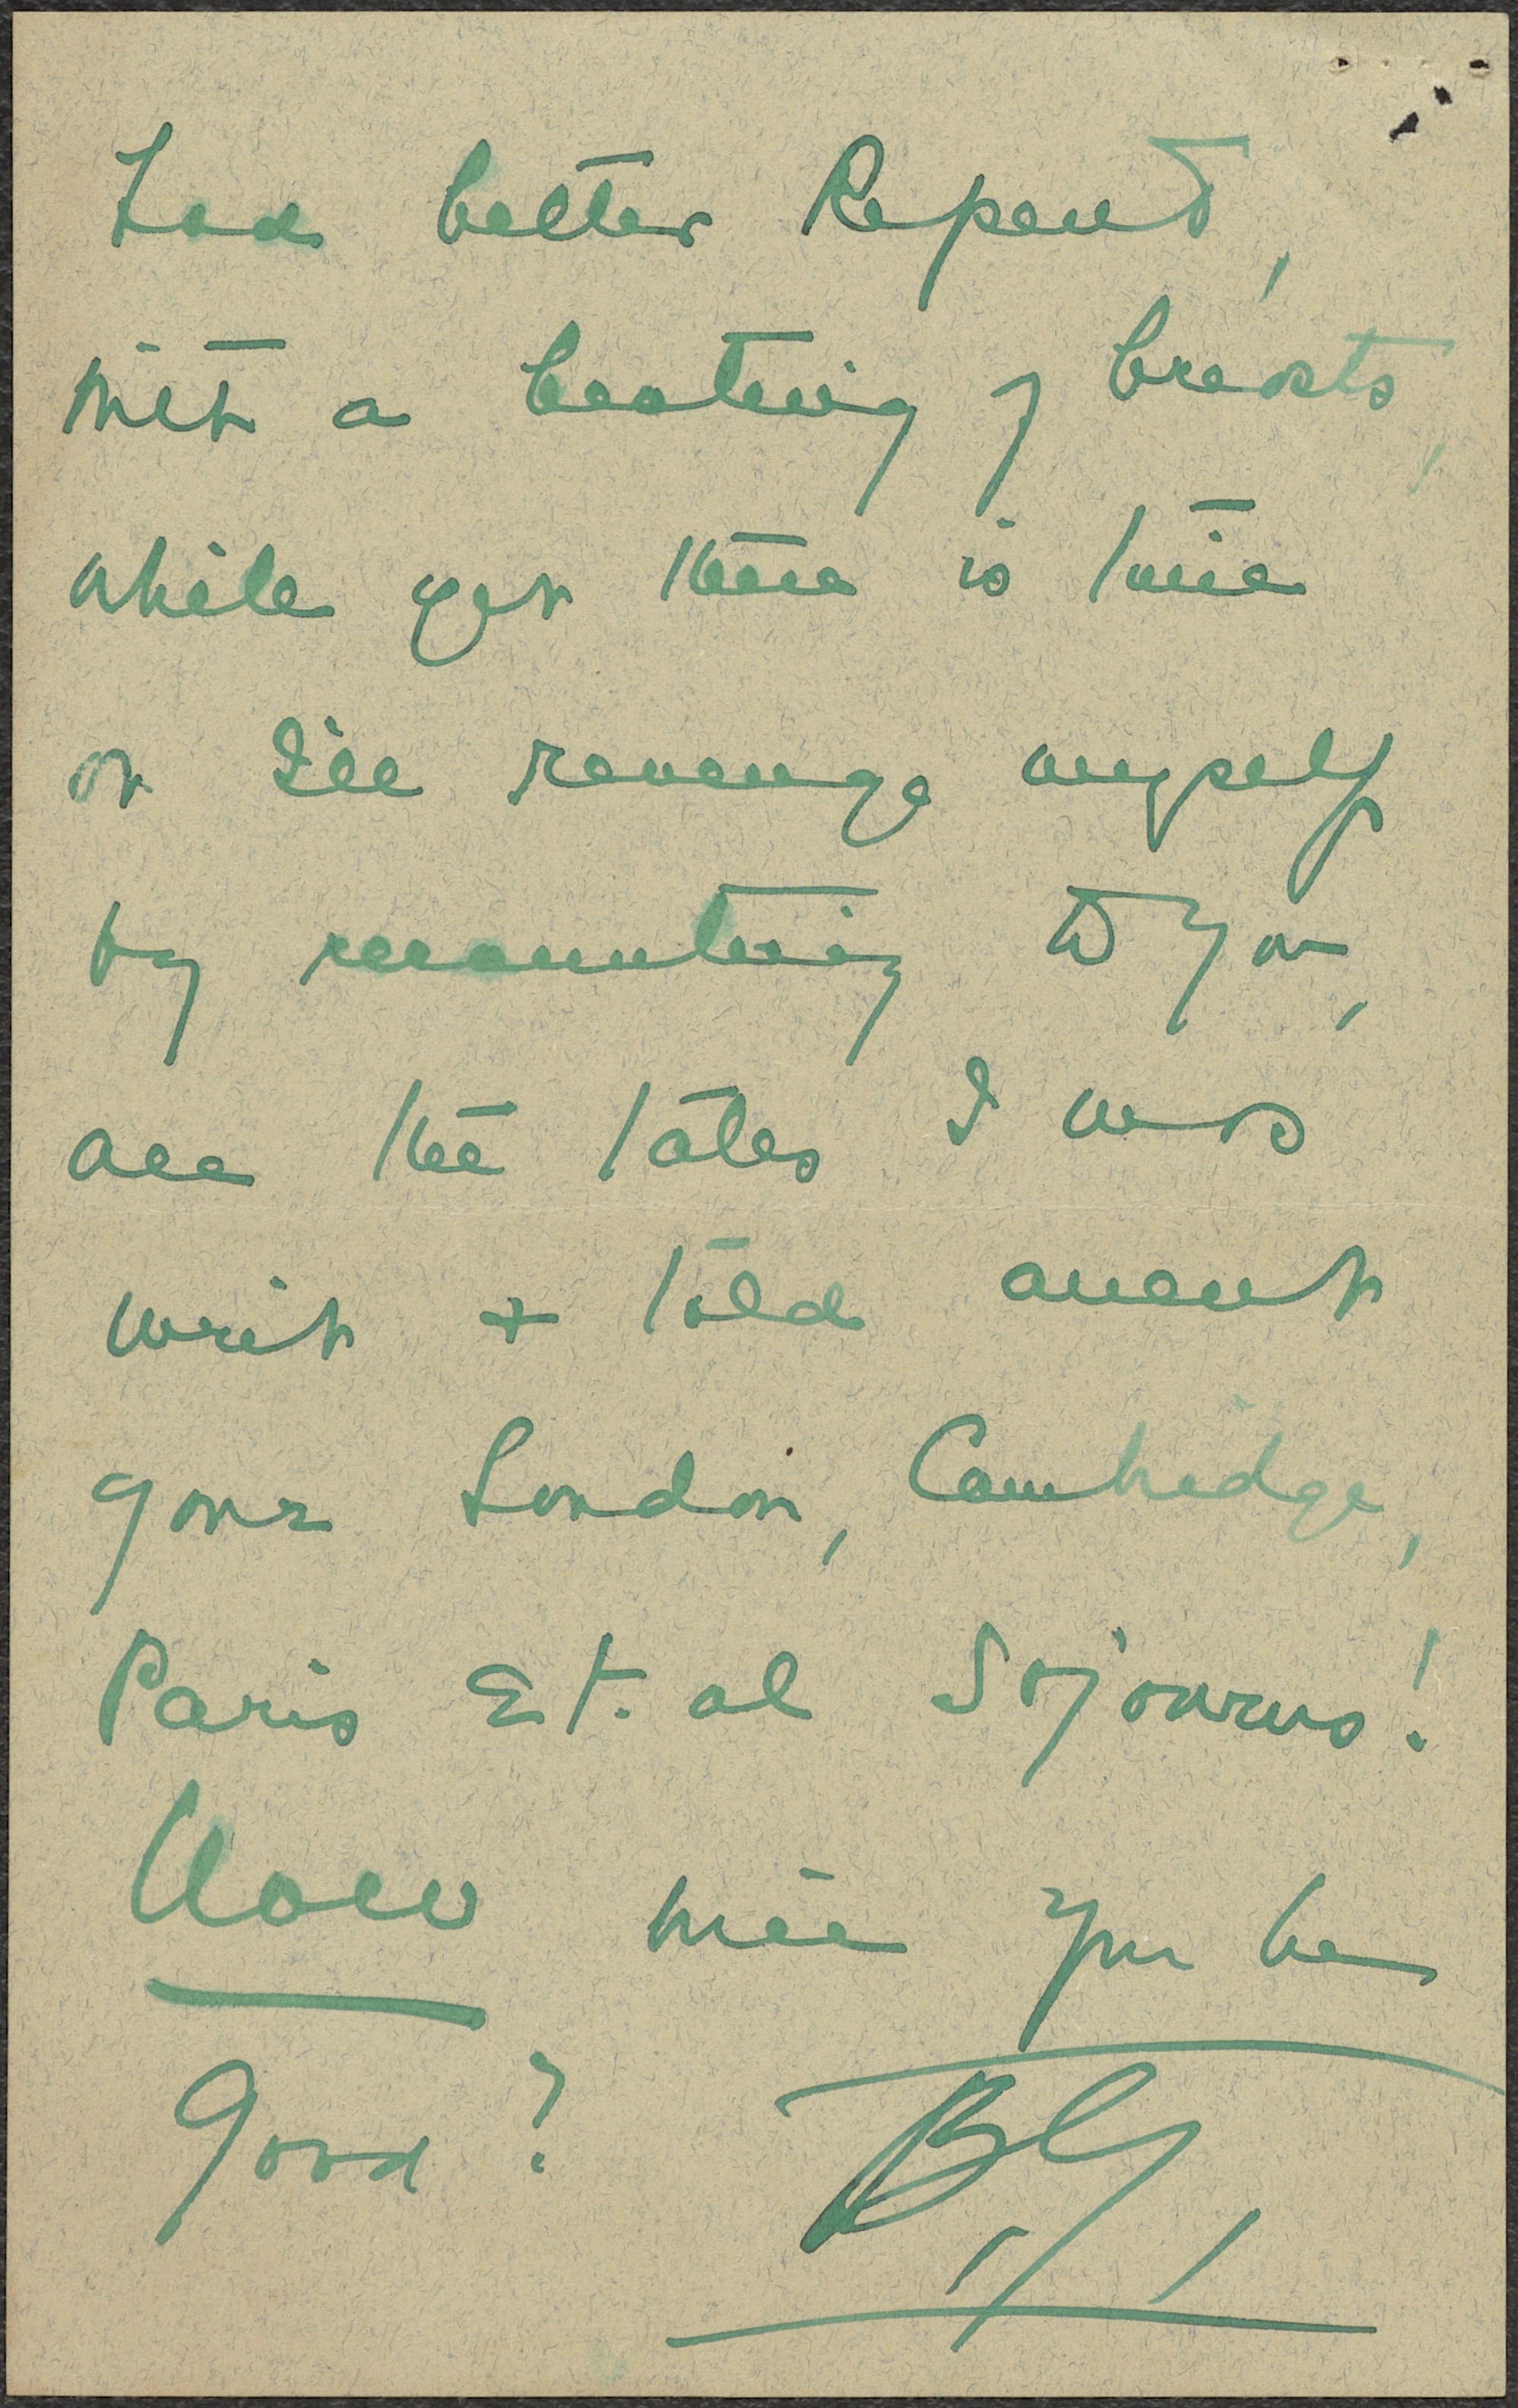had better repent, with a beating of breasts, while yet there is time or I’ll revenge myself by recounting to you, all the tales I was writ & told anent your London, Cambridge, Paris et. al sojourns!
Now will you be good?
B.G.